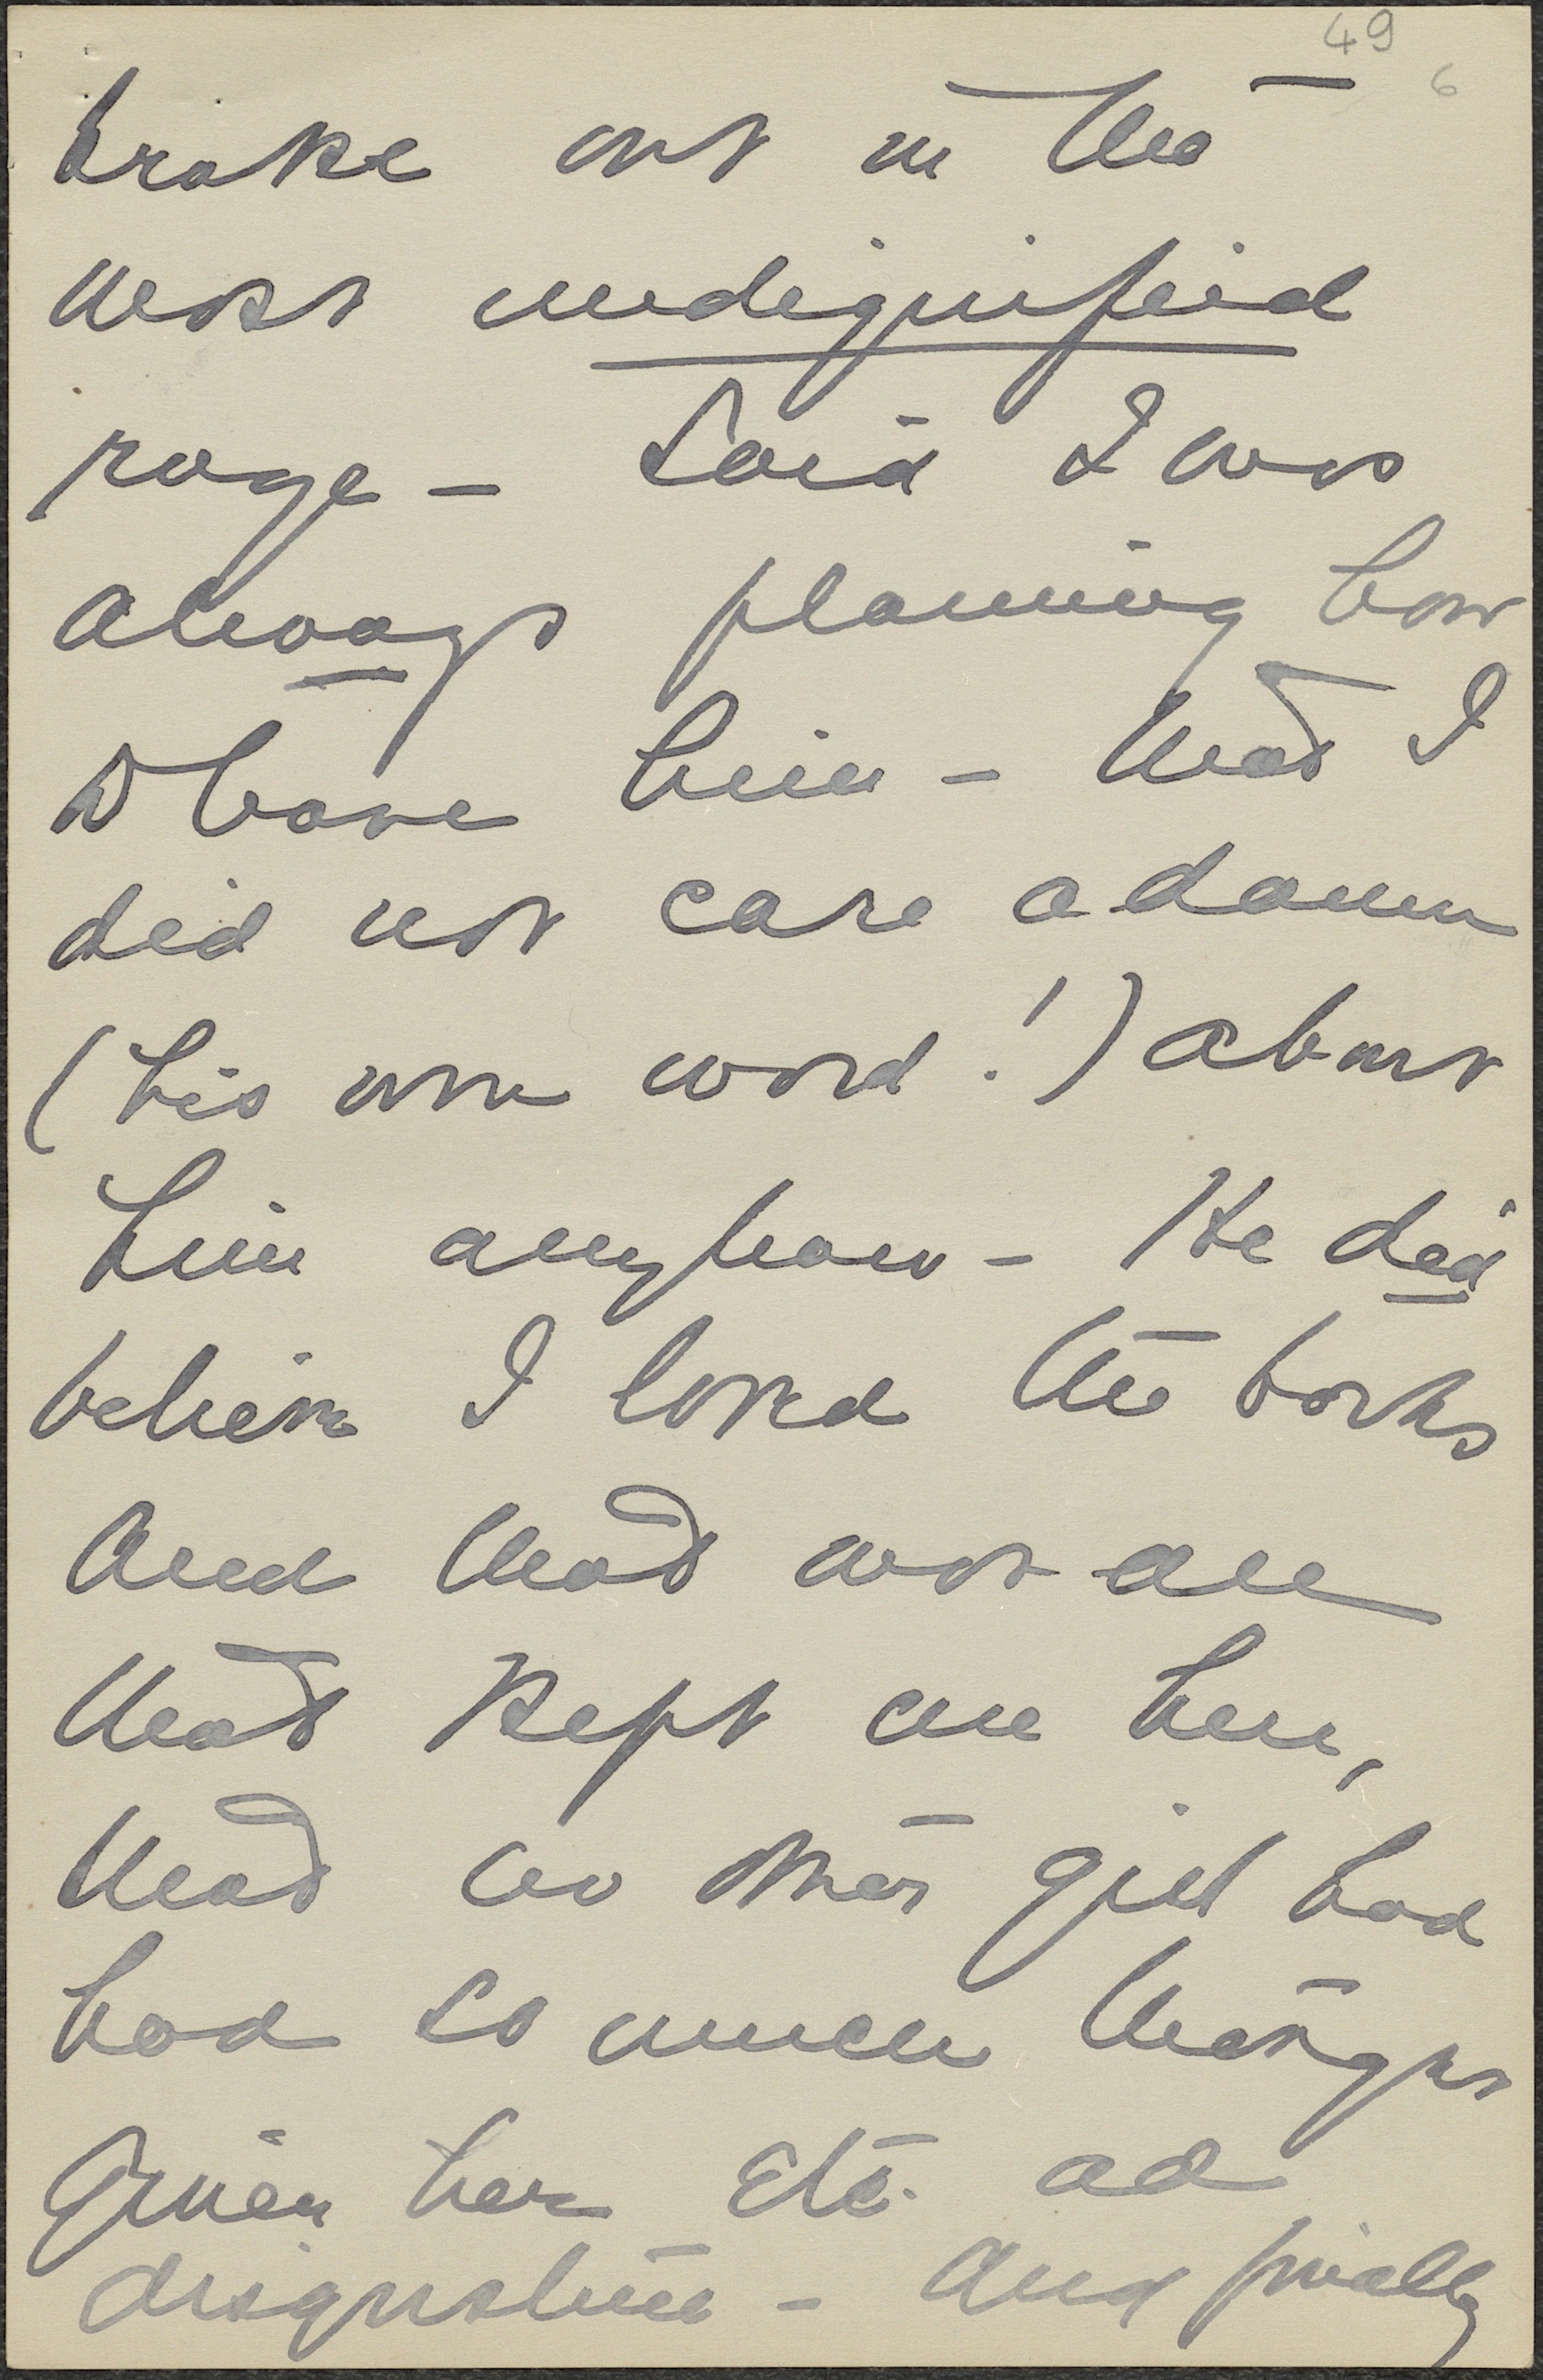broke out in the most undignified rage – said I was always planning how to leave him – that I did not care a damn (his own word!) about him anyhow – He did believe I loved the books and that not all that kept me here, that no other girl had had so much thought given her etc. ad disgustum – and finally